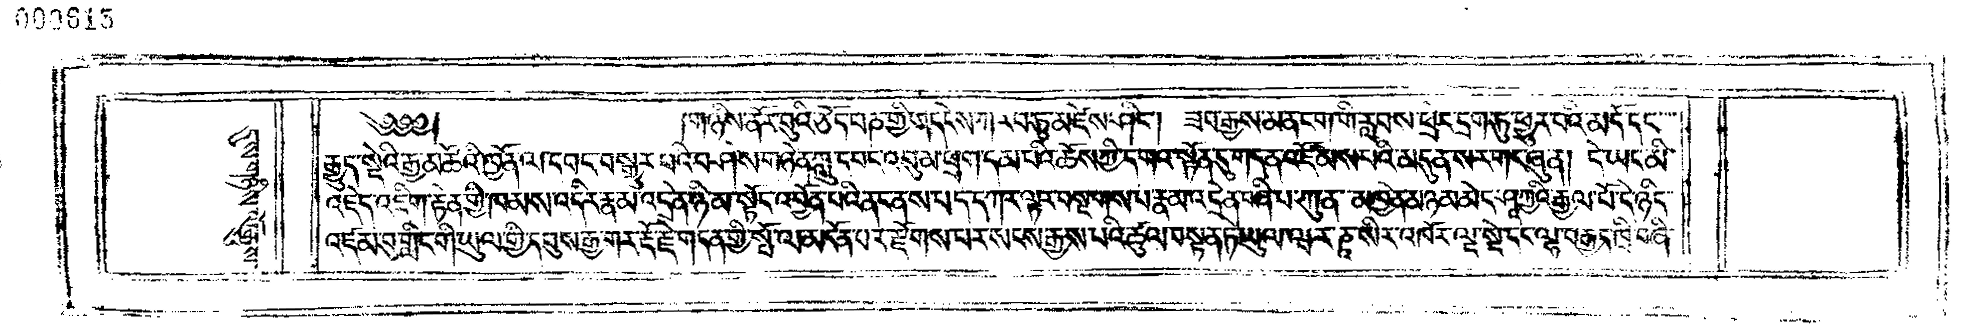༄༅༅། །གཉིས་ནོར་བུའི་ཅོད་པཎ་གྱི་གདེངས་ཀ་རབ་ཏུ་མཛེས་ཤིང་། ཟབ་རྒྱས་མན་ངག་གི་རླབས་ཕྲེང་དྲག་ཏུ་ཕྱུར་བའི་མདོ་དང་
རྒྱུད་སྡེའི་རྒྱ་མཚོའི་ཁྱོན་ལ་དབང་བསྒྱུར་བའི་བཤེས་གཉེན་ཀླུ་དབང་འབུམ་ཕྲག་དམ་པའི་ཆོས་ཀྱི་དགའ་སྟོན་དུ་གདན་འཛོམས་པའི་མདུན་སར་གང་ཞུ་ན། དེ་ཡང་མི་
འཇེད་འཇིག་རྟེན་གྱི་ཁམས་འདིར་རྣམ་འདྲེན་ཉི་མ་སྟོང་འབྱོན་པའི་ནང་ནས་པད་དཀར་ལྟར་བསྔགས་པ་རྣམ་འདྲེན་བཞི་པ་ཀུན་མཁྱེན་མཉམ་མེད་ཤཱཀྱའི་རྒྱལ་པོ་དེ་ཉིད་
འཛམ་བུ་གླིང་གི་ཡུལ་གྱི་དབུས་རྒྱ་གར་རྡོ་རྗེ་གདན་གྱི་སྤོ་ལ་མངོན་པར་རྫོགས་པར་སངས་རྒྱས་པའི་ཚུལ་བསྟན་ཏེ་ཡུལ་ཝ་ར་ཎཱ་སིར་འཁོར་ལྔ་སྡེ་དང་ལྷ་བརྒྱད་ཁྲི་བཞི་